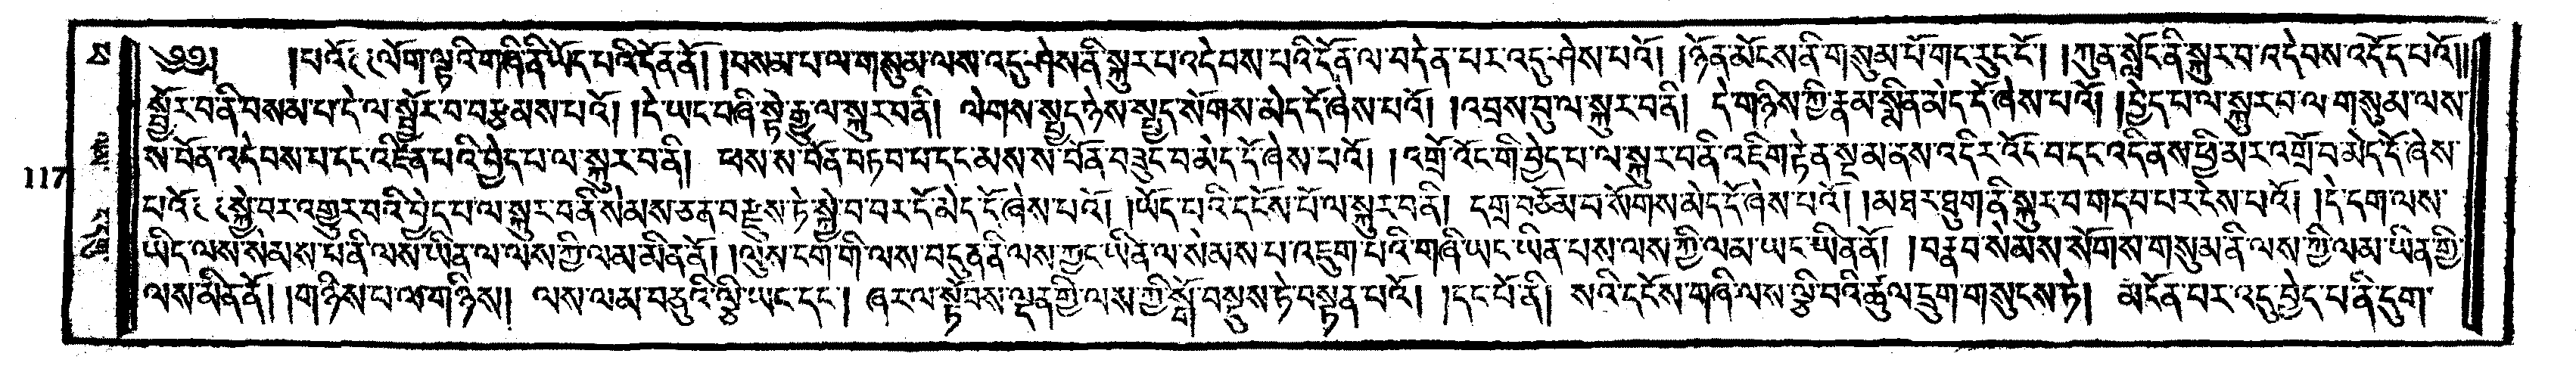༄༅། །པའོ༑ ༑ལོག་ལྟའི་གཞི་ནི་ཡོད་པའི་དོན་ནོ། །བསམ་པ་ལ་གསུམ་ལས་འདུ་ཤེས་ནི་སྐུར་པ་འདེབས་པའི་དོན་ལ་བདེན་པར་འདུ་ཤེས་པའོ། །ཉོན་མོངས་ནི་གསུམ་པོ་གང་རུང་ངོ ། །ཀུན་སློང་ནི་སྐུར་བ་འདེབས་འདོད་པའོ།།
སྦྱོར་བ་ནི་བསམ་པ་དེ་ལ་སྦྱོང་བ་བརྩམས་པའོ། །དེ་ཡང་བཞི་སྟེ་རྒྱུ་ལ་སྐུར་བ་ནི། ལེགས་སྤྱད་ཉེས་སྤྱད་སོགས་མེད་དོ་ཞེས་པའོ། །འབྲས་བུ་ལ་སྐུར་བ་ནི། དེ་གཉིས་ཀྱི་རྣམ་སྨིན་མེད་དོ་ཞེས་པའོ། །བྱེད་པ་ལ་སྐུར་བ་ལ་གསུམ་ལས་
ས་བོན་འདེབས་པ་དང་འཛིན་པའི་བྱེད་པ་ལ་སྐུར་བ་ནི། ཕས་ས་བོན་བཏབ་པ་དང་མས་ས་བོན་བཟུང་བ་མེད་དོ་ཞེས་པའོ། །འགྲོ་འོང་གི་བྱེད་པ་ལ་སྐུར་བ་ནི་འཇིག་རྟེན་སྔ་མ་ནས་འདིར་འོང་བ་དང་འདི་ནས་ཕྱི་མར་འགྲོ་བ་མེད་དོ་ཞེས་
པའོ༑ ༑སྐྱེ་བར་འགྱུར་བའི་བྱེད་པ་ལ་སྐུར་བ་ནི་སེམས་ཅན་བརྫུས་ཚེ་སྐྱེ་བ་བར་དོ་མེད་དོ་ཞེས་པའོ། །ཡོད་པའི་དངོས་པོ་ལ་སྐུར་བ་ནི། དགྲ་བཅོམ་པ་སོགས་མེད་དོ་ཞེས་པའོ། །མཐར་ཐུག་ནི་སྐུར་བ་གདབ་པར་ངེས་པའོ། །དེ་དག་ལས་
ཡིད་ལས་སེམས་པ་ནི་ལས་ཡིན་ལ་ལས་ཀྱི་ལམ་མིན་ནོ། །ལུས་ངག་གི་ལས་བདུན་ནི་ལས་ཀྱང་ཡིན་ལ་སེམས་པ་འཇུག་པའི་གཞི་ཡང་ཡིན་པས་ལས་ཀྱི་ལམ་ཡང་ཡིན་ནོ། །བརྣབ་སེམས་སོགས་གསུམ་ནི་ལས་ཀྱི་ལམ་ཡིན་གྱི་
ལས་མིན་ནོ། །གཉིས་པ་ལ་གཉིས། ལས་ལམ་བཅུའི་ལྕི་ཡང་དང་། ཞར་ལ་སྟོབས་ལྡན་གྱི་ལས་ཀྱི་སྒོ་བསྡུས་ཏེ་བསྟན་པའོ། །དང་པོ་ནི། སའི་དངོས་གཞི་ལས་ལྕི་བའི་ཚུལ་དྲུག་གསུངས་སྟེ། མངོན་པར་འདུ་བྱེད་པ་ནི་དུག་